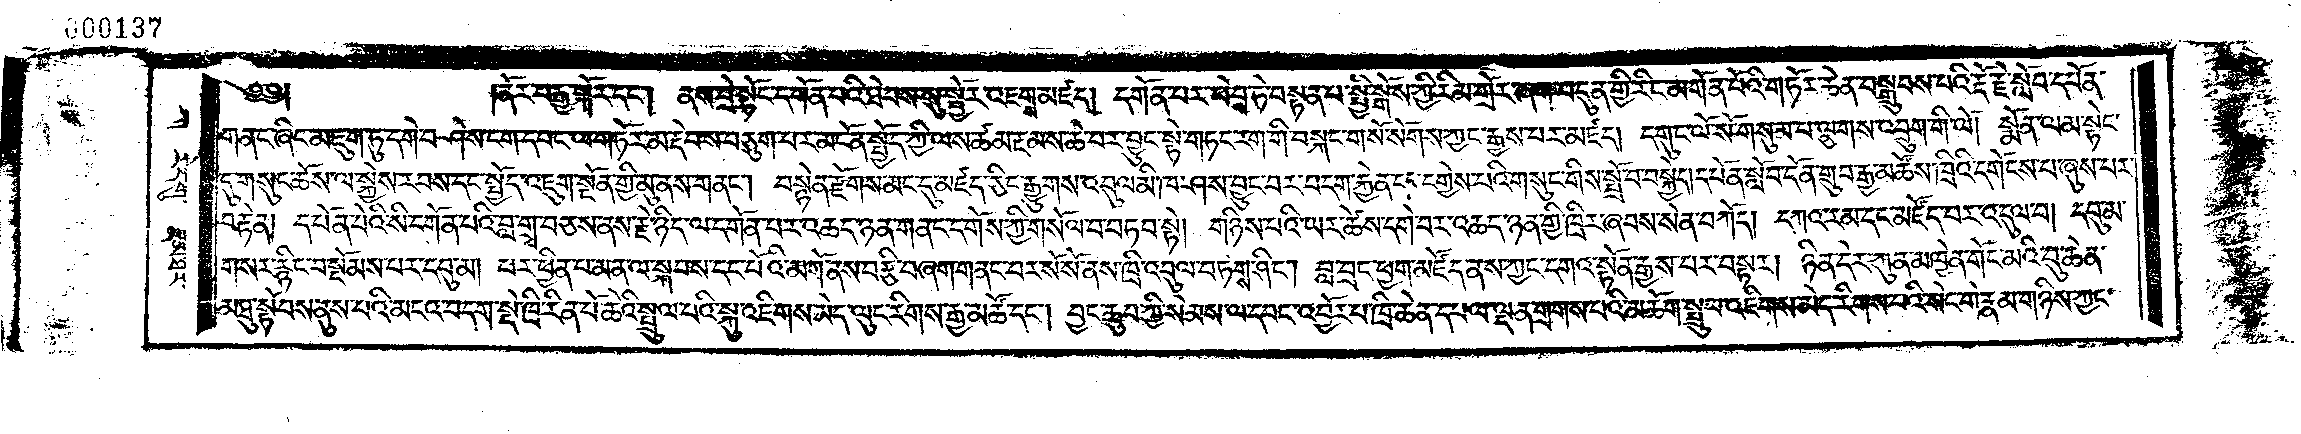༄༅། །ནོར་བརྒྱ་སྐོར་དང་། ནས་བྲེ་སྟོང་དགོན་པའི་ཐེབས་སུ་སྦྱོར་འཇགས་མཛད། དགོན་པར་ཕེབས་ཏེ་བསྟན་པ་སྤྱི་སྒོས་ཀྱི་རིམ་གྲོར་ཞག་བདུན་གྱི་རིང་མགོན་པོའི་གཏོར་ཆེན་བསྒྲུབས་པའི་རྡོ་རྗེ་སློབ་དཔོན་
གནང་ཞིང་མཇུག་ཏུ་དགེ་བཤེས་ངག་དབང་ལ་གཏོར་མ་རྡེབས་བཅུག་པར་མངོན་སྤྱོད་ཀྱི་ལས་ཚམ་རྔམས་ཆེ་བར་བྱུང་སྟེ་གཏང་རག་གི་བསྐང་གསོ་སོགས་ཀྱང་རྒྱས་པར་མཛད། དགུང་ལོ་སོ་གསུམ་པ་ལྕགས་འབྲུག་གི་ལོ། སྨོན་ལམ་སྟེང་
དུ་གསུང་ཆོས་ལ་སྐྱེས་རབས་དང་སྤྱོད་འཇུག་སྔོན་གྱི་མུ་ནས་གནང་། བསྙེན་རྫོགས་མང་དུ་མཛད་ཅིང་རྒྱུགས་འབུལ་མི་ཁ་ཤས་བྱུང་བར་བདག་རྐྱེན་དང་དགྱེས་པའི་གསུང་གིས་སྤྲོ་བ་བསྐྱེད། དཔོན་སློབ་དོན་གྲུབ་རྒྱ་མཚོས་ཁྲིའི་དགོངས་པ་ཞུས་པར་
བརྟེན། དཔོན་པོའི་སི་དགོན་པའི་བླ་གྲྭ་བཅས་ནས་རྗེ་ཉིད་ལ་དགོན་པར་འཆད་ཉན་གནང་དགོས་ཀྱི་གསོལ་བ་བཏབ་སྟེ། གཉིས་པའི་ཡར་ཚེས་དགེ་བར་འཆད་ཉན་གྱི་ཁྲིར་ཞབས་སེན་བཀོད། དཀའ་རམ་དང་མཛོད་པར་འདུལ་བ། དབུ་མ་
གསར་རྙིང་བསྡོམས་པར་དབུ་མ། ཕར་ཕྱིན་པ་མན་ལ་སྐབས་དང་པོའི་མགོ་ནས་བརྩི་བཞག་གནང་བར་སོ་སོ་ནས་ཁྲི་འབུལ་བཏགས་ཤིང་། བླ་བྲང་ཕྱག་མཛོད་ནས་ཀྱང་དགའ་སྟོན་རྒྱས་པར་བསྟར། ཉིན་དེར་ཀུན་མཁྱེན་གོང་མའི་བུ་ཆེན་
མཐུ་སྟོབས་ནུས་པའི་མངའ་བདག་སྡེ་ཁྲི་རིན་པོ་ཆེའི་སྤྲུལ་པའི་སྐུ་འཇིགས་མེད་ལུང་རིགས་རྒྱ་མཚོ་དང་། བྱང་ཆུབ་ཀྱི་སེམས་ལ་དབང་འབྱོར་པ་ཁྲི་ཆེན་དཔལ་ལྡན་གྲགས་པའི་མཆོག་སྤྲུལ་འཇིགས་མེད་རིགས་པའི་སེང་གེ་རྣམ་གཉིས་ཀྱང་